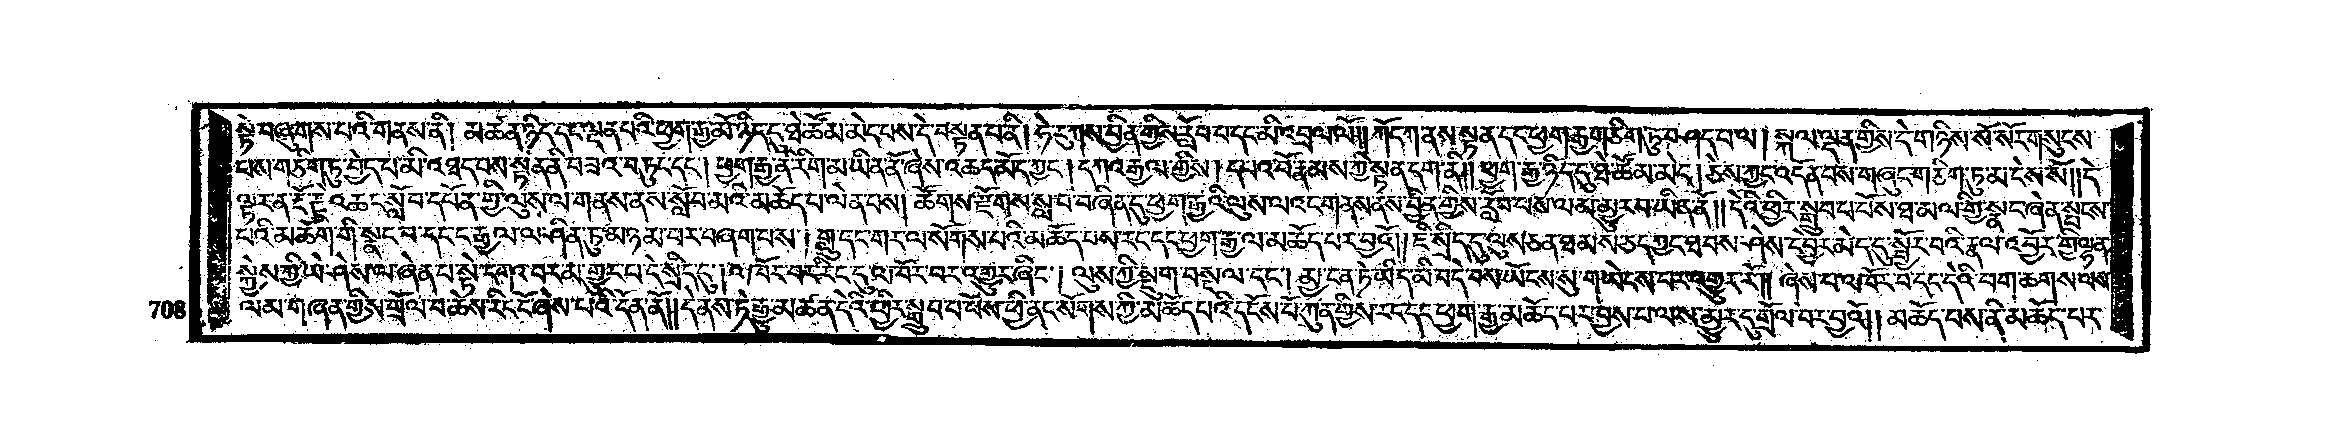སྟེ་བཞུགས་པའི་གནས་ནི། མཚན་ཉིད་དང་ལྡན་པའི་ཕྱག་རྒྱ་མོ་ཉིད་དུ་ཐེ་ཚོམ་མེད་པས་དེ་བསྟན་པ་ནི། ཧེ་རུ་ཀས་བྱིན་གྱིས་རློབ་པ་དང་མི་འབྲལ་ལོ། །ཀོང་ཀ་ནས་སྟན་དང་ཕྱག་རྒྱ་གཅིག་ཏུ་བཤད་པ་ལ། སྐལ་ལྡན་གྱིས་དེ་གཉིས་སོ་སོར་གསུངས་
པས་གཅིག་ཏུ་བྱེད་པ་མི་འཐད་པས་སྟན་ནི་བཟའ་བཏུང་དང་། ཕྱག་རྒྱ་ནི་རིག་མ་ཡིན་ནོ་ཞེས་འཆད་མོད་ཀྱང་། དཀའ་རྒྱལ་གྱིས། དཔའ་བོ་རྣམས་ཀྱི་སྟན་དག་ནི། །ཕྱག་རྒྱ་ཉིད་དུ་ཐེ་ཚོམ་མེད། ཅེས་ཀྱང་འདོན་པས་གཞུང་གཅིག་ཏུ་མ་ངེས་སོ། །དེ་
ལྟར་ན་རྡོ་རྗེ་འཆང་སློབ་དཔོན་གྱི་ལུས་ལ་གནས་ནས་སློབ་མའི་མཆོད་པ་ལེན་པས། ཚོགས་རྫོགས་སླ་བ་བཞིན་དུ་ཕྱག་རྒྱའི་ལུས་ལའང་གནས་ནས་བྱིན་གྱིས་རློབ་པས་ལམ་མྱུར་བ་ཡིན་ནོ། །དེའི་ཕྱིར་སྒྲུབ་པ་པོས་ཐ་མལ་གྱི་སྣང་ཞེན་སྤངས་
པའི་མཆོག་གི་སྣང་བ་དང་ང་རྒྱལ་ལ་ཤིན་ཏུ་མཉམ་པར་བཞག་པས། གླུ་དང་གར་ལ་སོགས་པའི་མཆོད་པས་རང་དང་ཕྱག་རྒྱ་ལ་མཆོད་པར་བྱའོ། །ཇི་སྲིད་དུ་ལུས་ཅན་ཐམས་ཅད་ཀྱང་ཐབས་ཤེས་དབྱེར་མེད་དུ་སྦྱོར་བའི་རྣལ་འབྱོར་གྱི་ལྷན་
སྐྱེས་ཀྱི་ཡེ་ཤེས་ལ་ཞེན་པ་སྟེ་དགའ་བར་མ་གྱུར་པ་དེ་སྲིད་དུ། འཁོར་བར་རིང་དུ་འཁོར་བར་འགྱུར་ཞིང་། ལུས་ཀྱི་སྡུག་བསྔལ་དང་། མྱ་ངན་ཏེ་ཡིད་མི་བདེ་བས་ཡོངས་སུ་གཡེངས་པར་འགྱུར་རོ། །ཞེས་པ་འཁོར་བ་དང་དེའི་བག་ཆགས་ལས་
ལམ་གཞན་གྱིས་གྲོལ་བ་ཆེས་རིང་ངོ་ཞེས་པའི་དོན་ནོ། །དེ་ནས་ཏེ་རྒྱུ་མཚན་དེའི་ཕྱིར་སྒྲུབ་པ་པོས་ཕྱི་ནང་སོགས་ཀྱི་མཆོད་པའི་དངོས་པོ་ཀུན་གྱིས་རང་དང་ཕྱག་རྒྱ་མཆོད་པར་བྱས་པ་ལས་མྱུར་དུ་གྲོལ་བར་བྱའོ། །མཆོད་པས་ནི་མཆོད་པར་